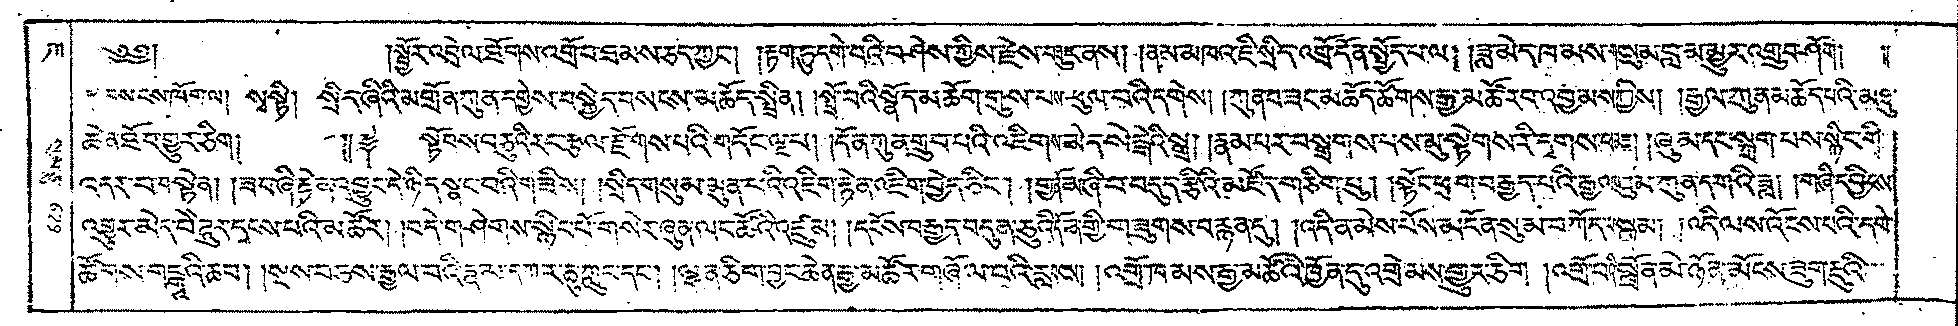༄༅། །སྦྱོར་འབྲེལ་ཐོགས་འགྲོ་བ་ཐམས་ཅད་ཀྱང་། །རྟག་ཏུ་དགེ་བའི་བཤེས་ཀྱིས་རྗེས་བཟུང་ནས། །ནམ་མཁའ་ཇི་སྲིད་འགྲོ་དོན་སྤྱོད་པ་ལ། །ཟླ་མེད་ཁམས་གསུམ་བླ་མ་མྱུར་འགྲུབ་ཤོག ། །།
༧བསངས་ཁོག་ལ།  སྭ་སྟི། སྲིད་ཞིའི་མགྲོན་ཀུན་དགྱེས་བསྐྱེད་བསངས་མཆོད་སྤྲིན། །སྤྲོ་བའི་སྣོད་མཆོག་གུས་པས་ཕུལ་བའི་དགེས། །ཀུན་བཟང་མཆོད་ཚོགས་རྒྱ་མཚོ་རབ་འབྱམས་ཀྱིས། །རྒྱལ་ཀུན་མཆོད་པའི་མཐུ་
ཆེན་ཐོབ་གྱུར་ཅིག ། །། ༈ སྟོབས་བཅུའི་རང་རྩལ་རྫོགས་པའི་གདོང་ལྔ་པ། །དོན་ཀུན་གྲུབ་པའི་འཇིགས་མེད་སེངྒེའི་སྒྲ། །རྣམ་པར་བསྒྲགས་པས་མུ་སྟེགས་རི་དྭགས་ཕམ། །ཞུམ་དང་སྐྲག་པས་སྙིང་གི་
འདར་བ་བསྟེན། །ཟབ་ཞི་རྟེན་འབྱུང་དེ་ཉིད་སྣང་བའི་གཟིས། །སྲིད་གསུམ་མུན་པའི་འཇིག་རྟེན་འཇིག་བྱེད་ཅིང་། །གྱ་ནོམ་ཞི་བ་བདུད་རྩིའི་མཛོད་གཅིག་པུ། །སྟོང་ཕྲག་བརྒྱད་པའི་རྒྱལ་ཡུམ་ཀུན་དགའི་ཟླ། །གཞི་དབྱིངས་
འགྱུར་མེད་བཻཌཱུར་དྭངས་པའི་མཚོར། །བདེ་གཤེགས་སྙིང་པོ་གསེར་ཞུན་ལང་ཚོའི་འཛུམ། །དངོས་བརྒྱད་བདུན་ཅུའི་དོན་གྱི་གཟུགས་བརྙན་དུ། །འདི་ན་མེས་པོས་མངོན་སུམ་བཀོད་པ་སྙམ། །འདི་ལས་འོངས་པའི་དགེ་
ཚོགས་གངྒཱའི་ཆབ། །སྲས་བཅས་རྒྱལ་བའི་རྣམ་དཀར་ཆུ་ཀླུང་དང་། །ལྷན་ཅིག་བྱང་ཆེན་རྒྱ་མཚོར་གཞོལ་བའི་རླབས། །འགྲོ་ཁམས་རྒྱ་མཚོའི་ཁྱོན་དུ་འགྲེམས་གྱུར་ཅིག །འགྲོ་བའི་སྒྲོན་མེ་ཉོན་མོངས་ཟུག་རྔུའི་